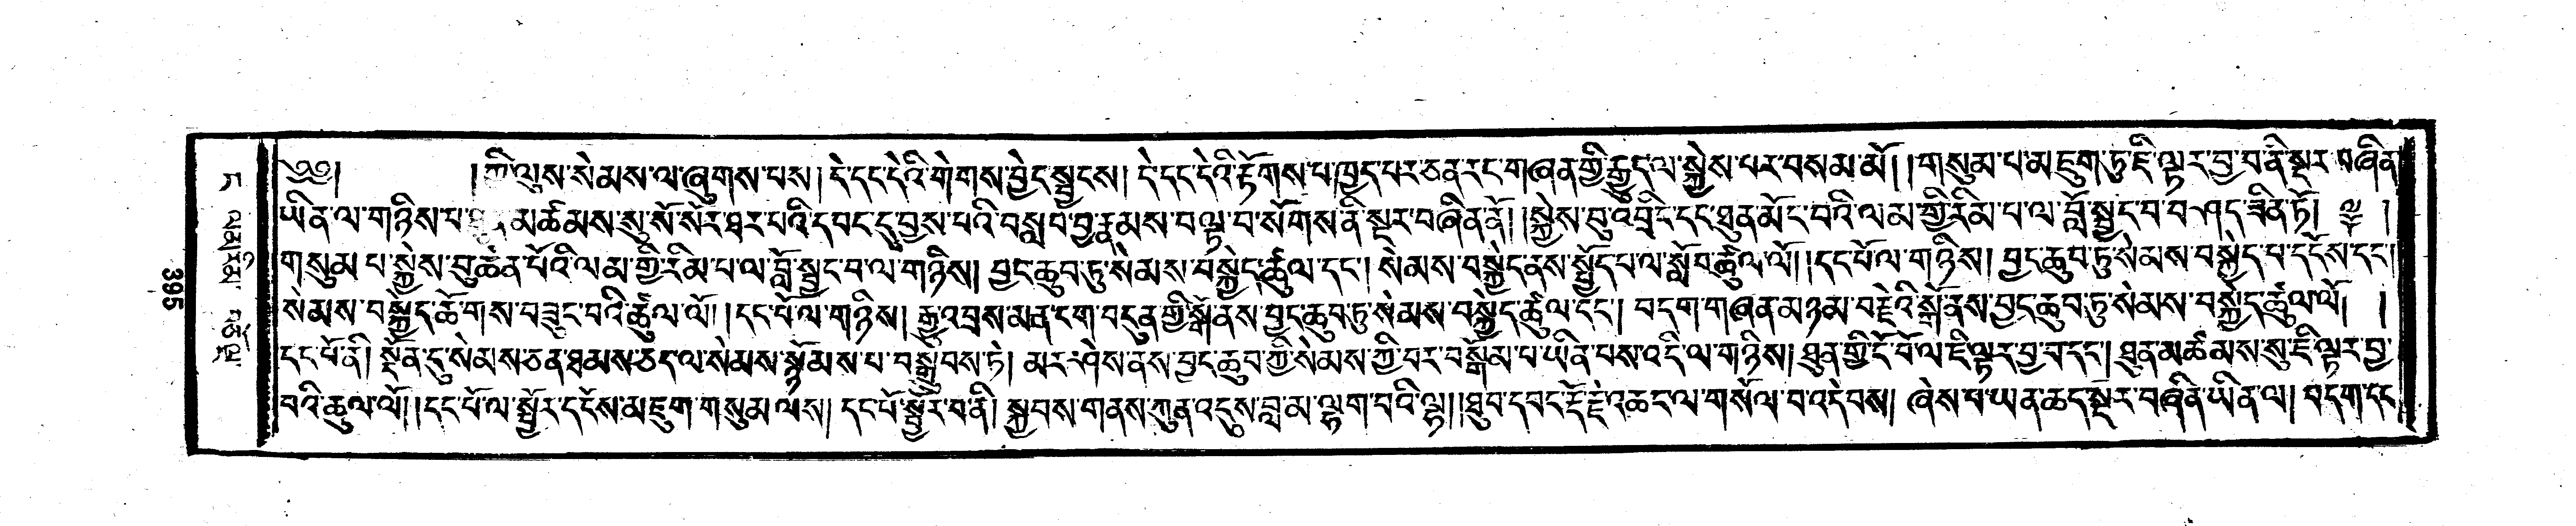༄༅། །ཀྱི་ལུས་སེམས་ལ་ཞུགས་པས། དེ་དང་དེའི་གེགས་བྱེད་སྦྱངས། དེ་དང་དེའི་རྟོགས་པ་ཁྱད་པར་ཅན་རང་གཞན་གྱི་རྒྱུད་ལ་སྐྱེས་པར་བསམ་མོ། །གསུམ་པ་མཇུག་ཏུ་ཇི་ལྟར་བྱ་བ་ནི་སྔར་བཞིན་
ཡིན་ལ་གཉིས་པ་ཐུན་མཚམས་སུ་སོ་སོར་ཐར་པའི་དབང་དུ་བྱས་པའི་བསླབ་བྱ་རྣམས་བལྟ་བ་སོགས་ནི་སྔར་བཞིན་ནོ། །སྐྱེས་བུ་འབྲིང་དང་ཐུན་མོང་བའི་ལམ་གྱི་རིམ་པ་ལ་བློ་སྦྱང་བ་བཤད་ཟིན་ཏོ། ༈
གསུམ་པ་སྐྱེས་བུ་ཆེན་པོའི་ལམ་གྱི་རིམ་པ་ལ་བློ་སྦྱང་བ་ལ་གཉིས། བྱང་ཆུབ་ཏུ་སེམས་བསྐྱེད་ཚུལ་དང་། སེམས་བསྐྱེད་ནས་སྤྱོད་པ་ལ་སློབ་ཚུལ་ལོ། །དང་པོ་ལ་གཉིས། བྱང་ཆུབ་ཏུ་སེམས་བསྐྱེད་པ་དངོས་དང་།
སེམས་བསྐྱེད་ཆོ་གས་བཟུང་བའི་ཚུལ་ལོ། །དང་པོ་ལ་གཉིས། རྒྱུ་འབྲས་མན་ངག་བདུན་གྱི་སྒོ་ནས་བྱང་ཆུབ་ཏུ་སེམས་བསྐྱེད་ཚུལ་དང་། བདག་གཞན་མཉམ་བརྗེའི་སྒོ་ནས་བྱང་ཆུབ་ཏུ་སེམས་བསྐྱེད་ཚུལ་ལོ། །
དང་པོ་ནི། སྔོན་དུ་སེམས་ཅན་ཐམས་ཅད་ལ་སེམས་སྙོམས་པ་བསྒྲུབས་ཏེ། མར་ཤེས་ནས་བྱང་ཆུབ་ཀྱི་སེམས་ཀྱི་བར་བསྒོམ་པ་ཡིན་པས་འདི་ལ་གཉིས། ཐུན་གྱི་ངོ་བོ་ལ་ཇི་ལྟར་བྱ་བ་དང་། ཐུན་མཚམས་སུ་ཇི་ལྟར་བྱ་
བའི་ཚུལ་ལོ། །དང་པོ་ལ་སྦྱོར་དངོས་མཇུག་གསུམ་ལས། དང་པོ་སྦྱོར་བ་ནི། སྐྱབས་གནས་ཀུན་འདུས་བླ་མ་ལྷག་པའི་ལྷ། །ཐུབ་དབང་རྡོ་རྗེ་འཆང་ལ་གསོལ་བ་འདེབས། ཞེས་པ་ཡན་ཆད་སྔར་བཞིན་ཡིན་ལ། བདག་དང་